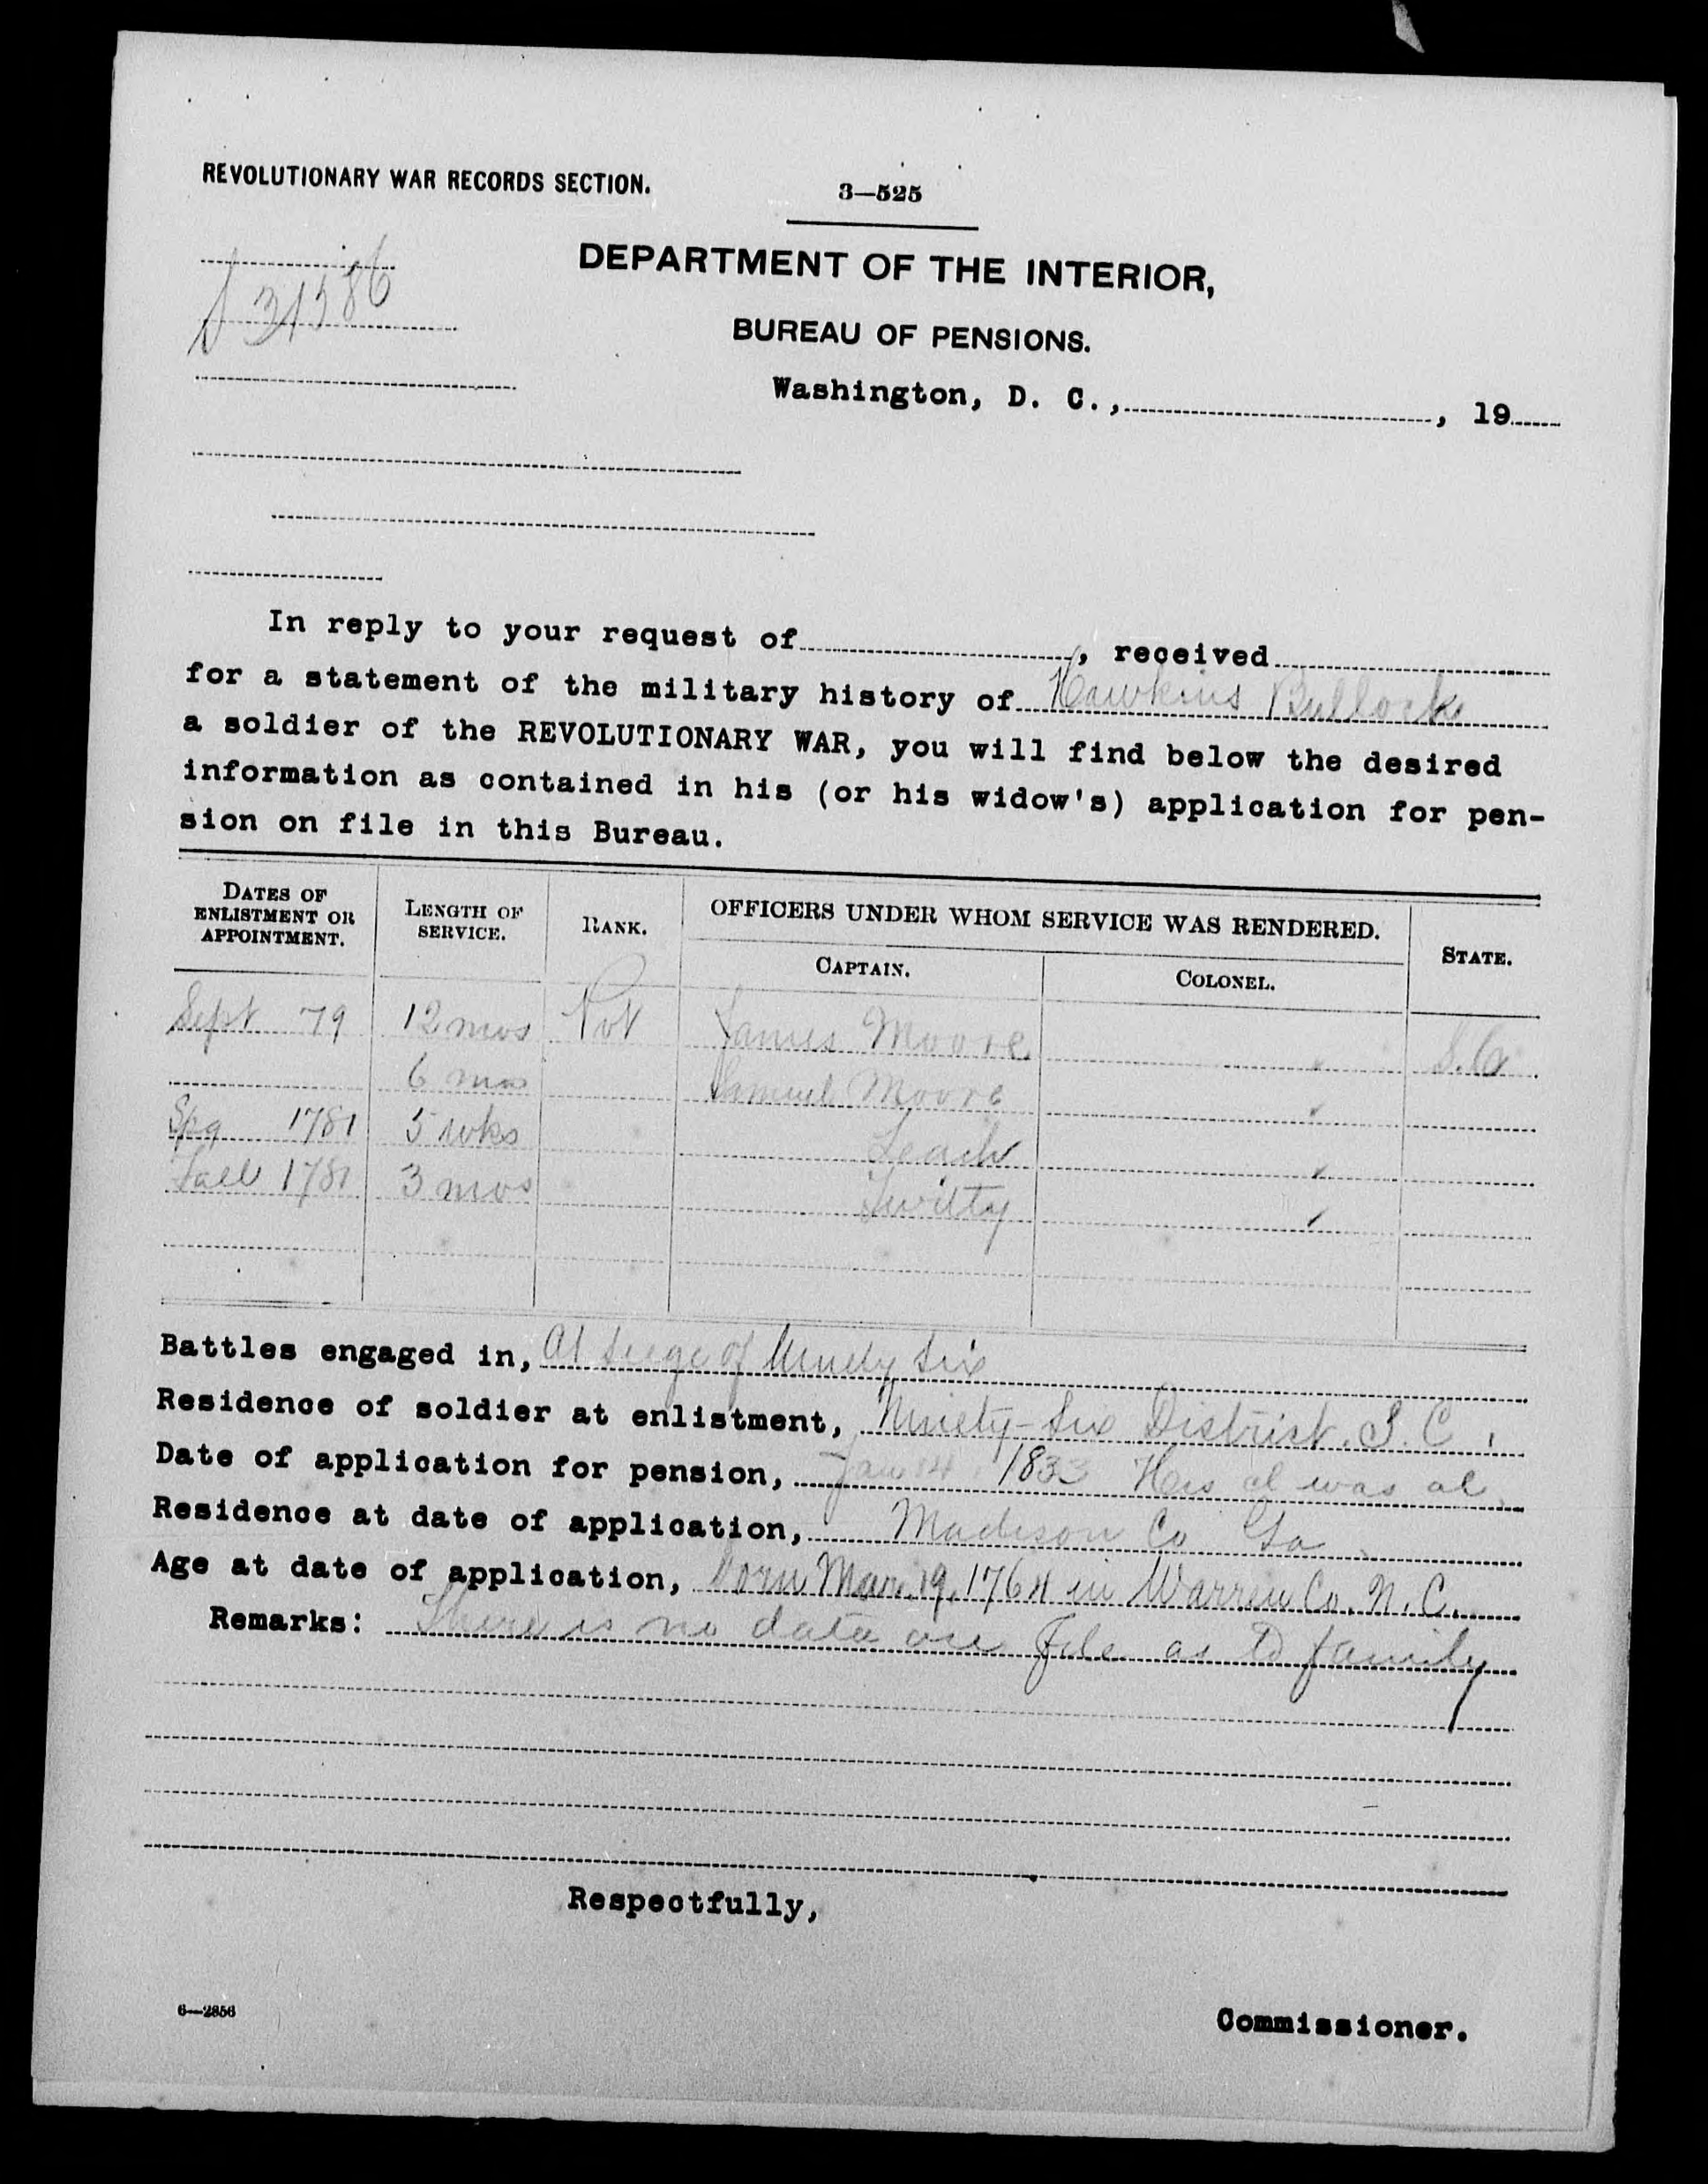REVOLUTIONARY WAR RECORDS SECTION. 3-525
S 31586
DEPARTMENT OF THE INTERIOR.
BUREAU OF PENSIONS.
Washington, D. C., 19
In reply to your request of [blank], received [blank] for a statement of the military history of Hawkins Bullock a soldier of the REVOLUTIONARY WAR, you will find below the desired information as contained in his (or his widow's) application for pension on file in this Bureau.
DATES OF ENLISTMENT OR APPOINTMENT. LENGTH OF SERVICE. RANK. OFFICERS UNDER WHOM SERVICE WAS RENDERED.
CAPTAIN. COLONEL. STATE.
Sept 79 12 mos Pvt James Moore S.C.
[blank] 6 mos Samuel Moore
Spg 1781 5 wks Leach
Fall 1781 3 mos Twitty
Battles engaged in, At Siege of Ninety six
Residence of soldier at enlistment, Ninety-Six District, S.C.
Date of application for pension, Jan. 14, 1833 His cl[aim] was al[lowed]
Residence at date of application, Madison Co Ga.
Age at date of application, born Mar. 19, 1764 in Warren Co. N.C.
Remarks: There is no data on file as to family
Respectfully,
Commissioner.
6-2856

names: Leach, Hawkins Bullock, James Moore, Samuel Moore, Twitty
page: 24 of 24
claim: survivor's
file: S. 31,586, Hawkins Bullock, S.C.